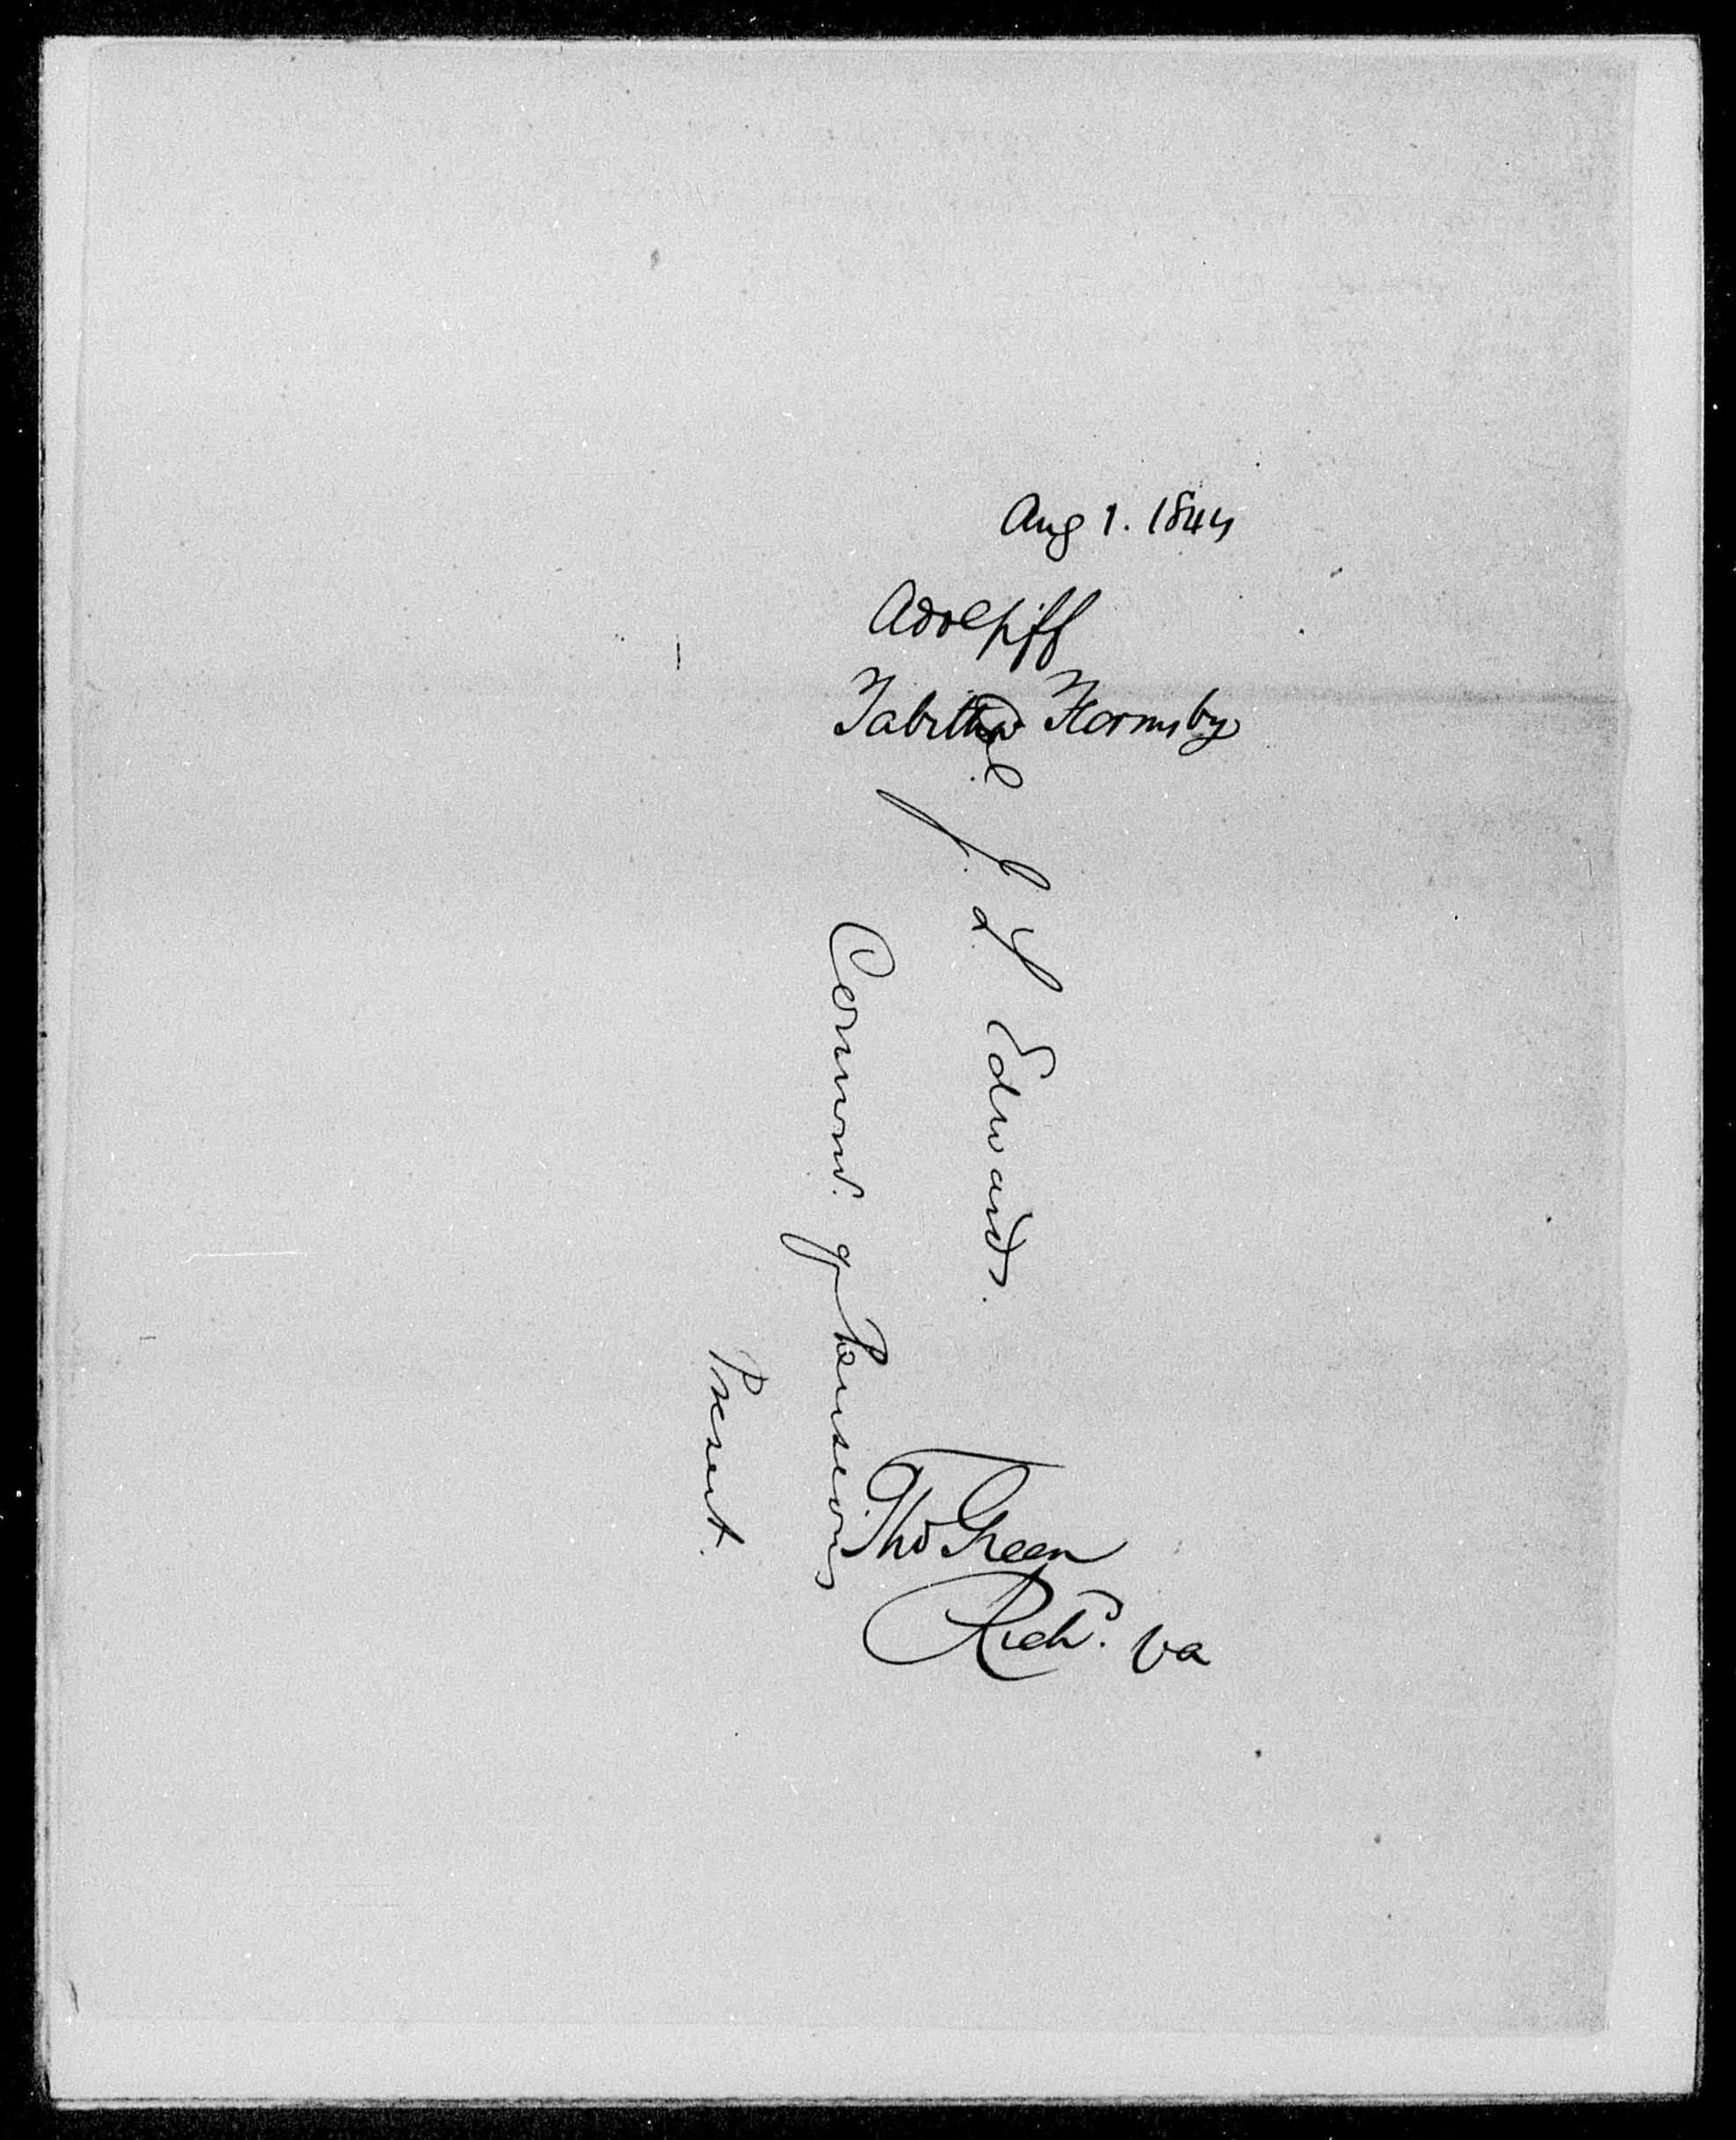Aug 1. 1844
[illegible: Adolpiff ?]
Tabitha Formby

Col. J. L. Edwards.
Comm. of Pensions
Present.

Tho Green
Richd. Va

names: Thos Green, J L Edwards, Tabitha Formsby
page: 29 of 54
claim: widow's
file: W. 3794, Nathan Formby, Va.